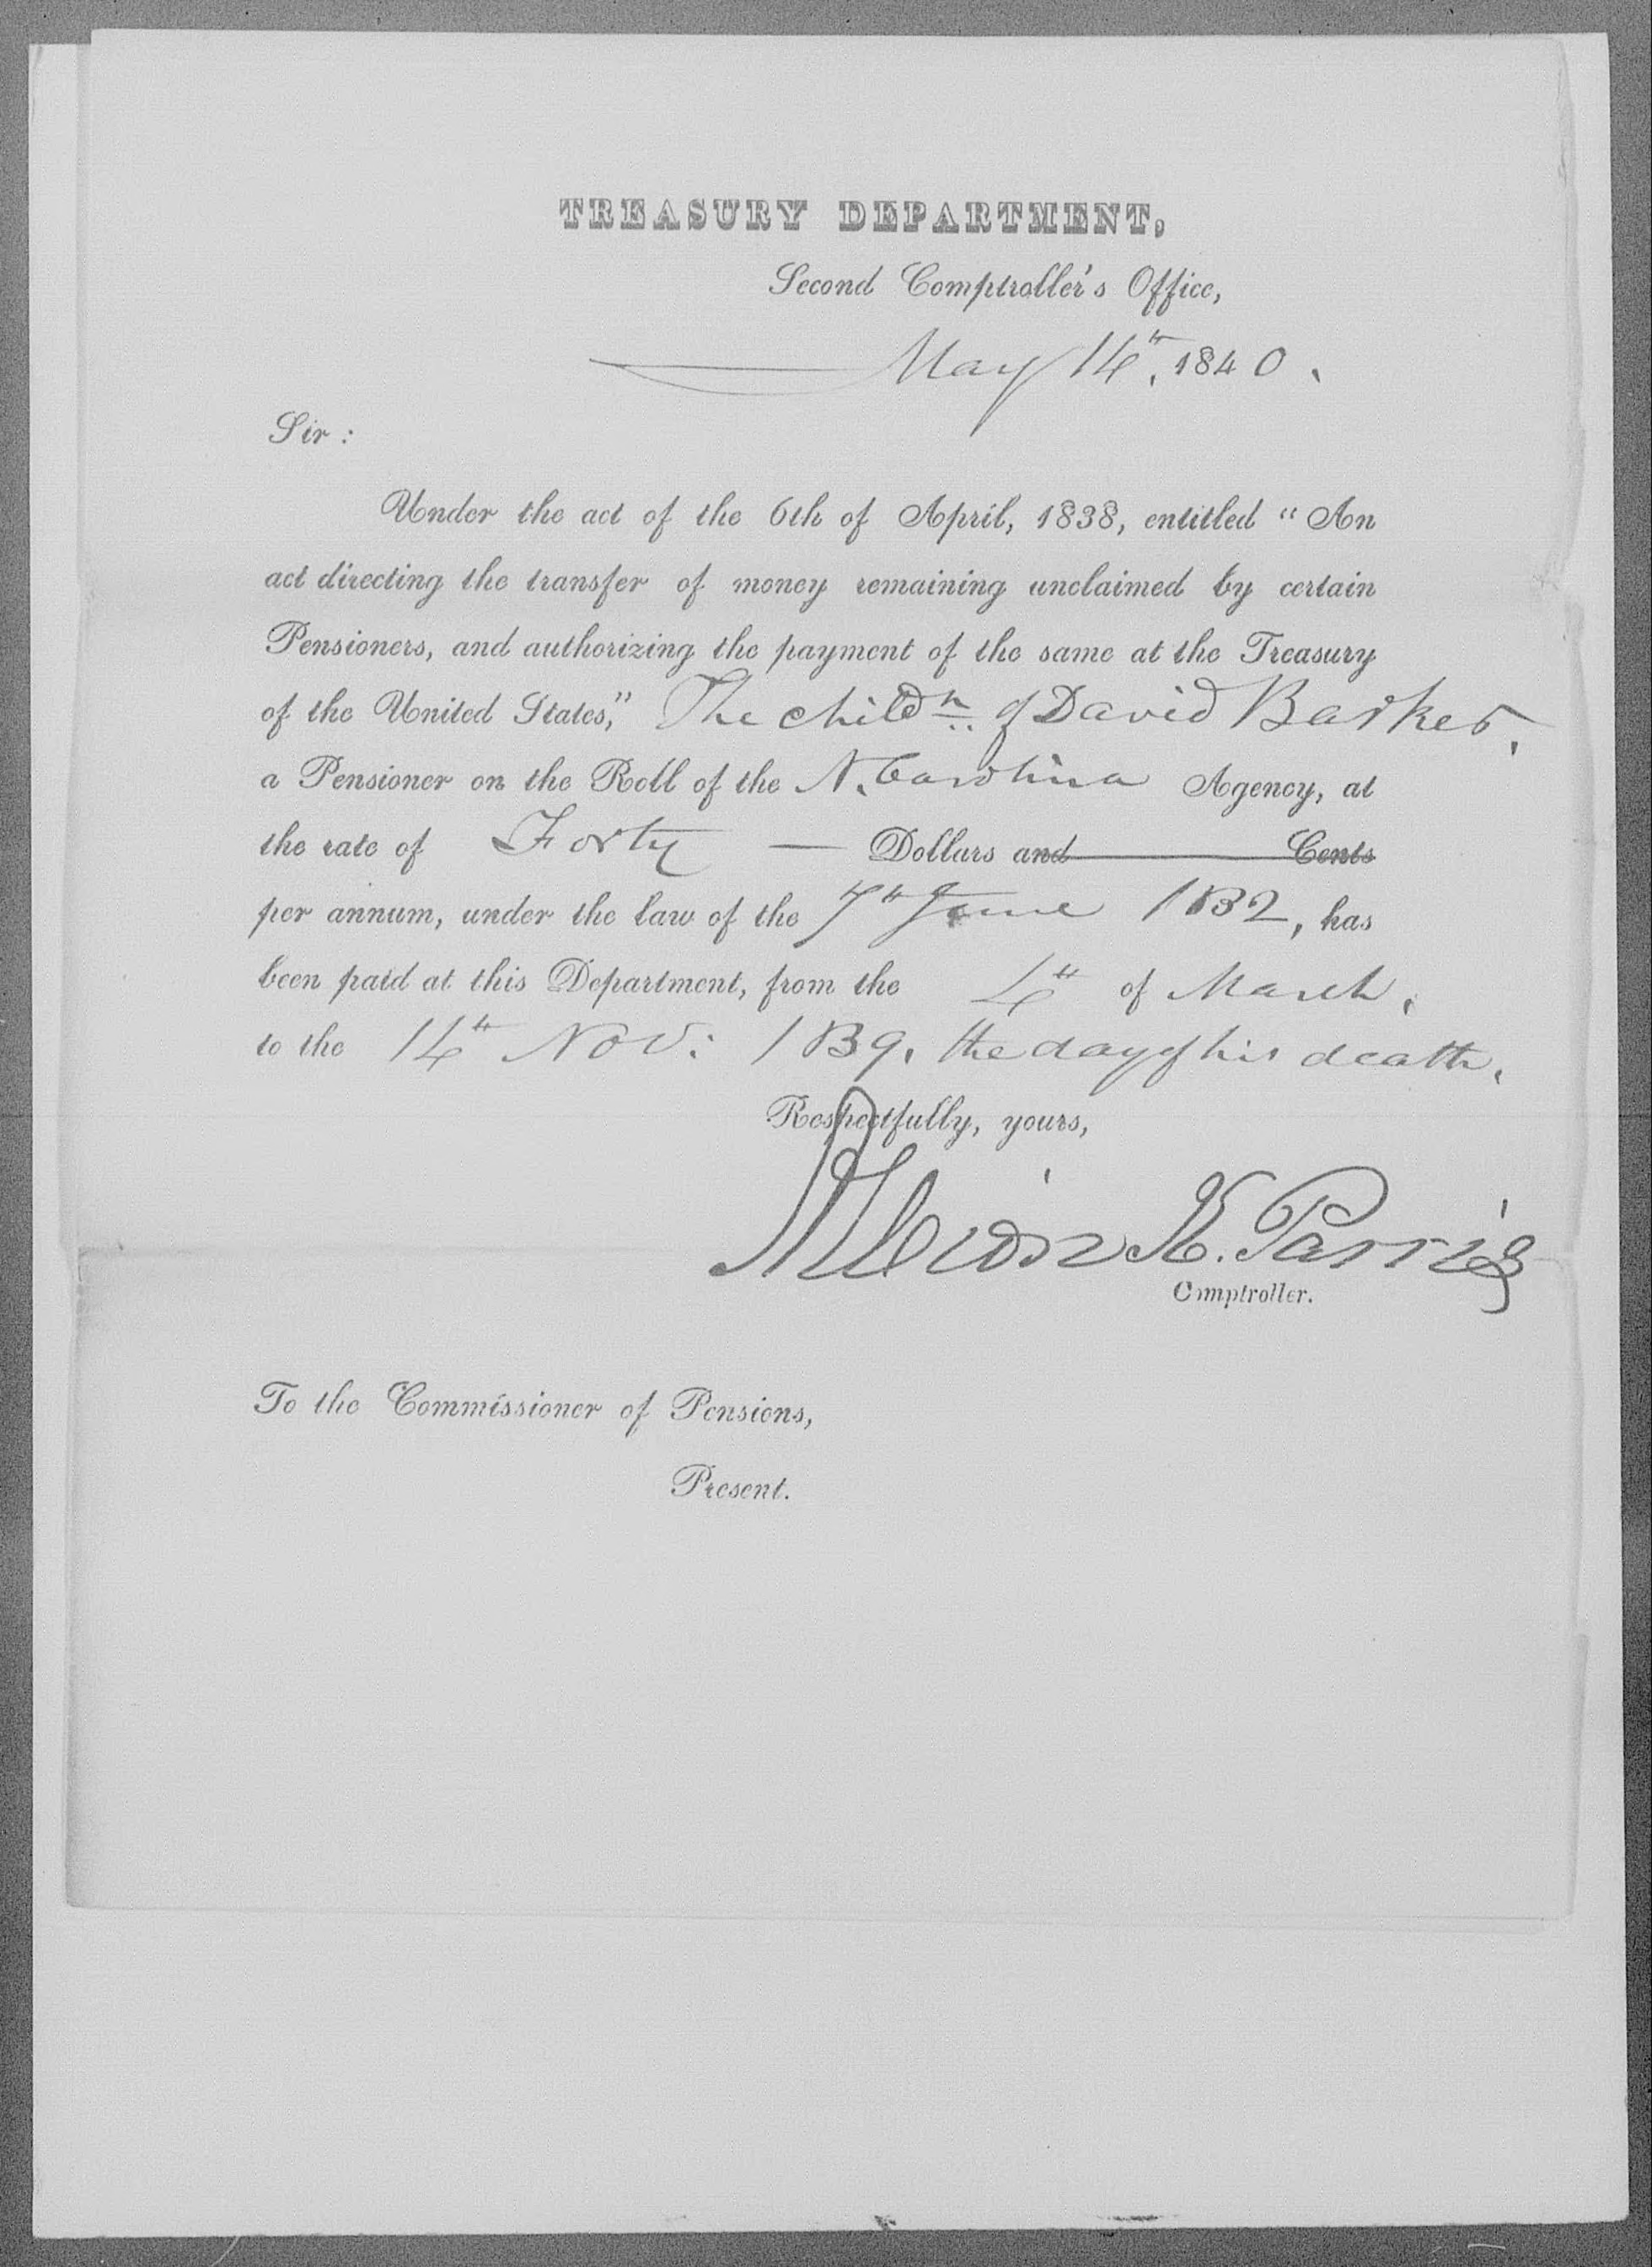[typed form, with handwritten responses]

TREASURY DEPARTMENT
Second Comptroller’s Office,
May 14th, 1840

Sir:

Under the act of the 6th of April, 1838, entitled “An Act directing the transfer of money remaining unclaimed by certain Pensioners, and authorizing the payment of the same at the Treasury of the United States,” The childn [children] of David Barker, 
a Pensioner on the Roll of the N. Carolina Agency, at 
the rate of Forty Dollars and -- Cents 
per annum, under the law of the 7th June 1832 has 
been paid at this Department, from the 4th of March,
to the 14th Nov. 1839, the day of his death,

Respectfully, yours,
Albion K Parris
Comptroller.

To the Commissioner Of Pensions,
Present.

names: David Barker, Albion K Parris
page: 14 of 23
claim: survivor's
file: S. 6560, David Barker, N.C.